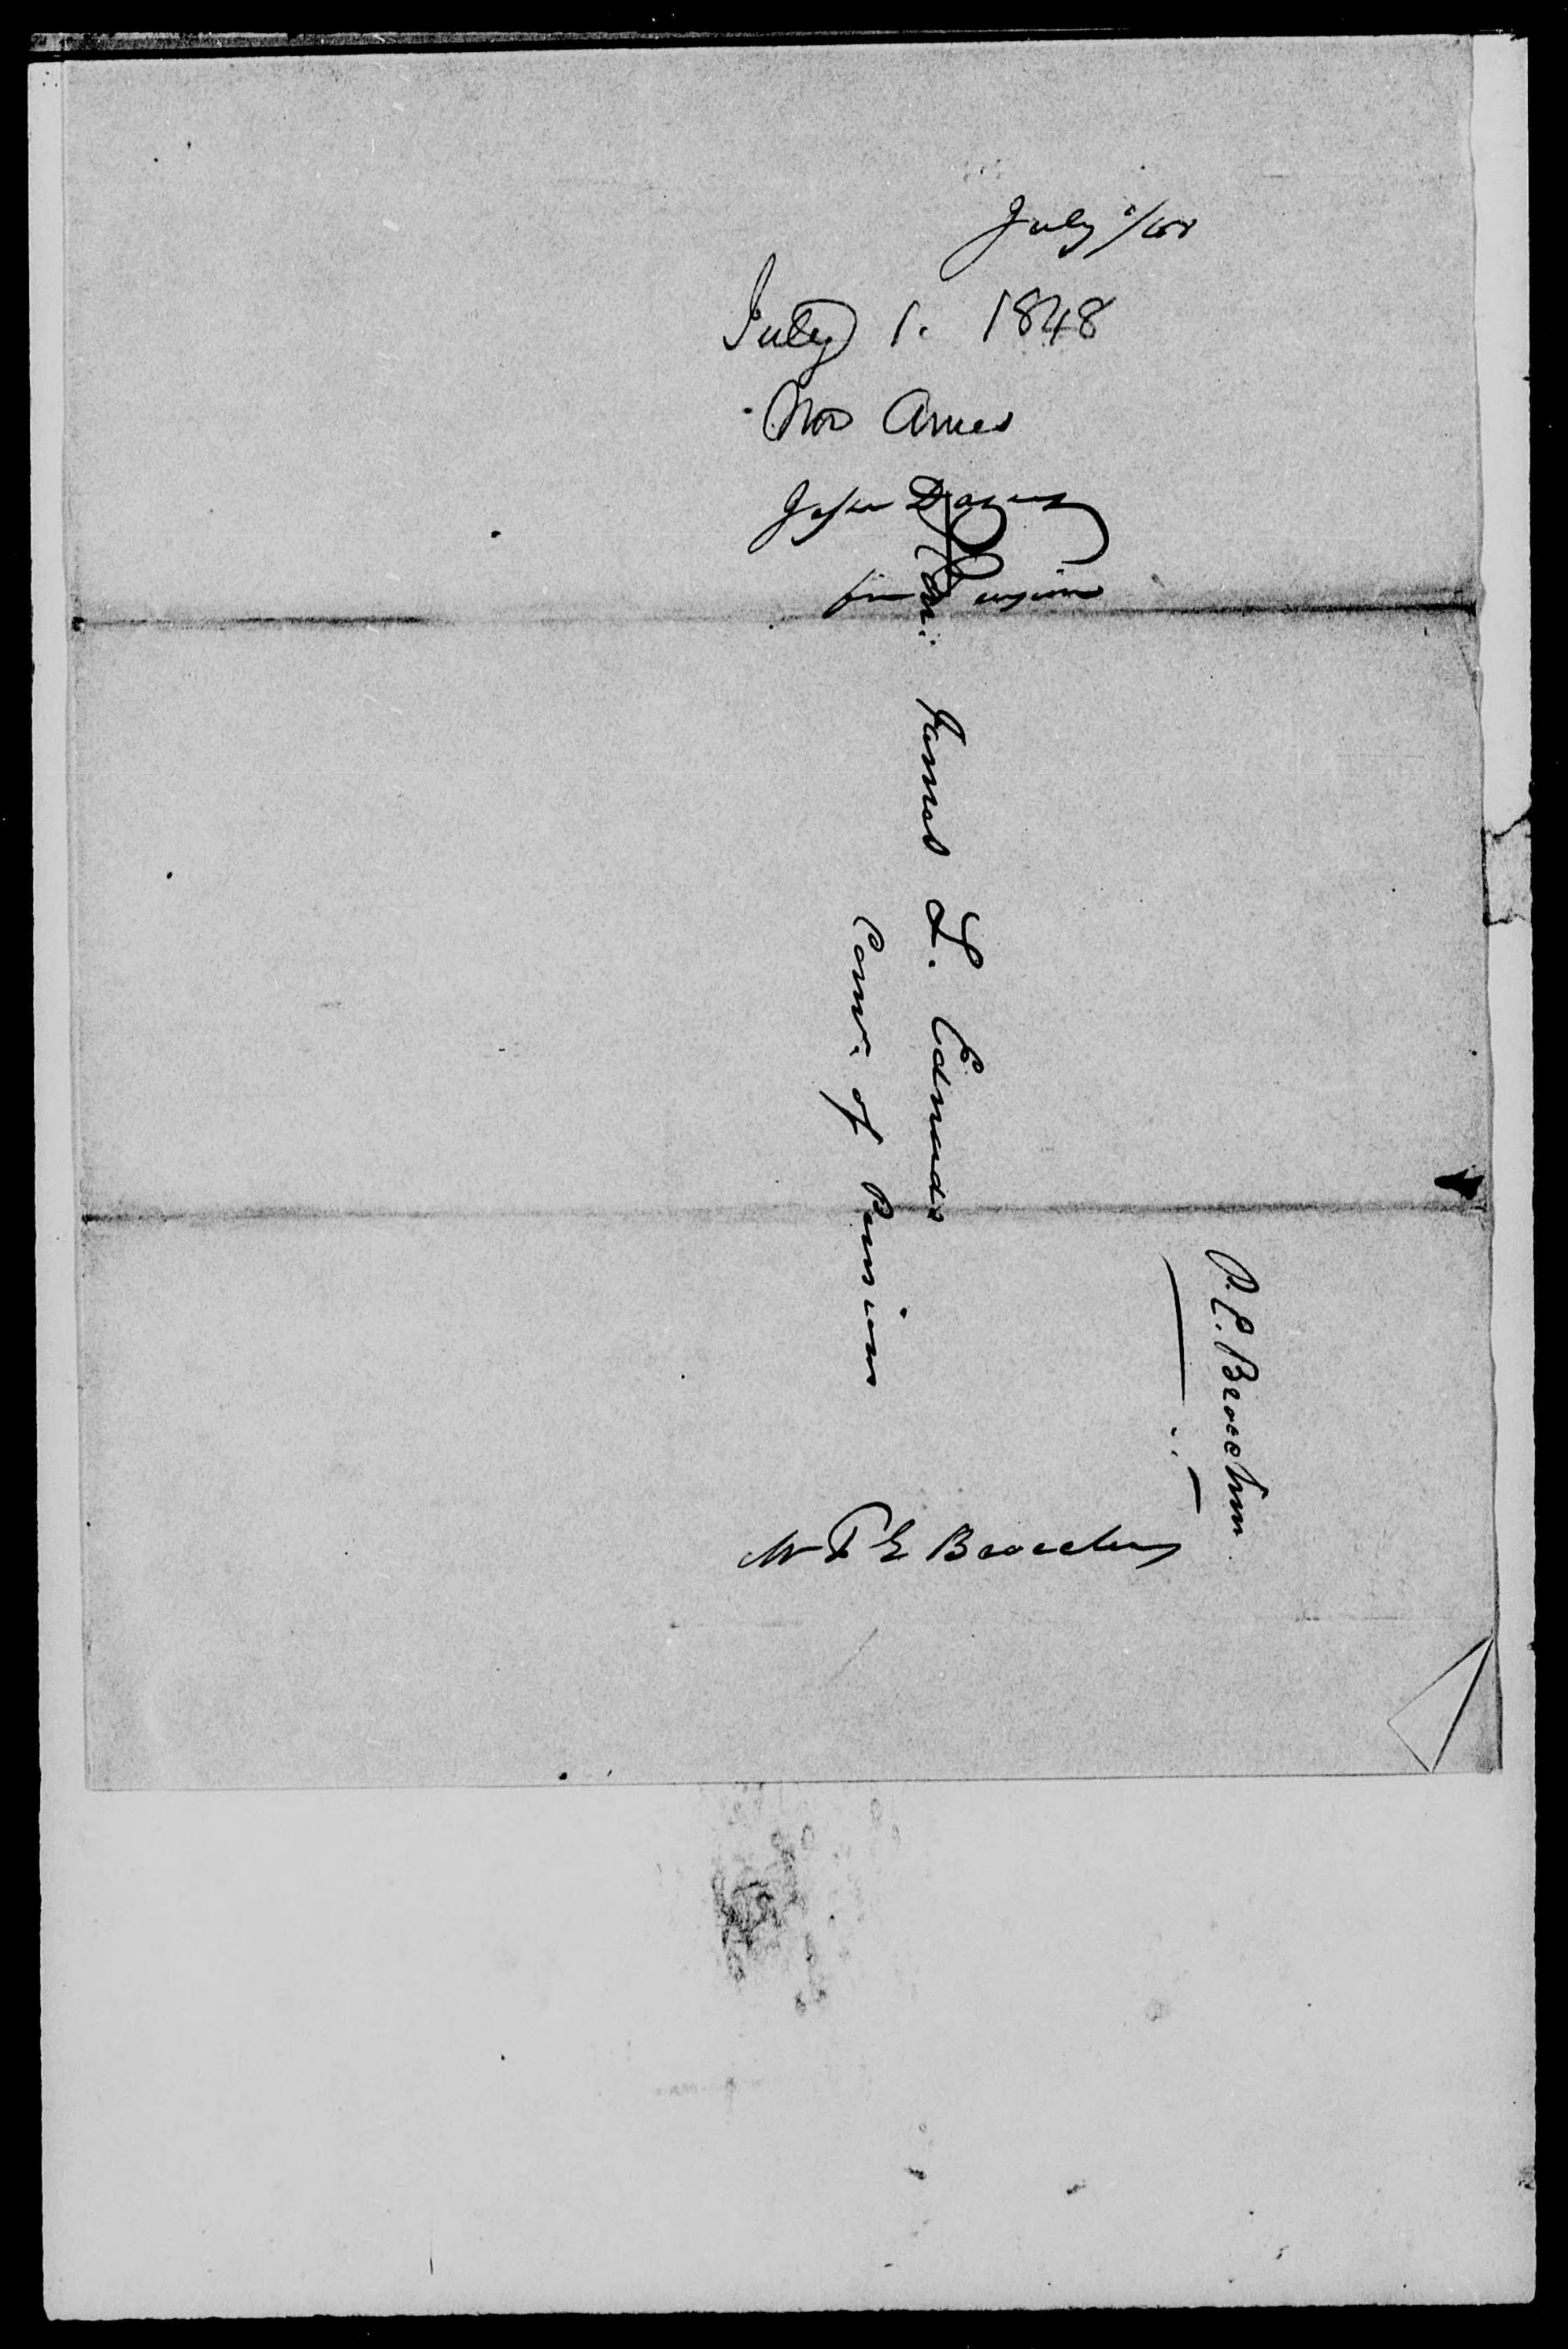July [illegible]
July 1, 1848
Mr. Ames
J[illegible] Dazey
Pensions
Mr. James L. Edwards
Comm. of Pensions
P.E. Brocchus,
Mr. P.E. Brocchus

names: Jesse Dazey, Ames, James L Edwards, P E Brocchus, P E Brocchus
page: 27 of 32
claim: rejected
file: R. 2795, Jesse Dazey, Del.